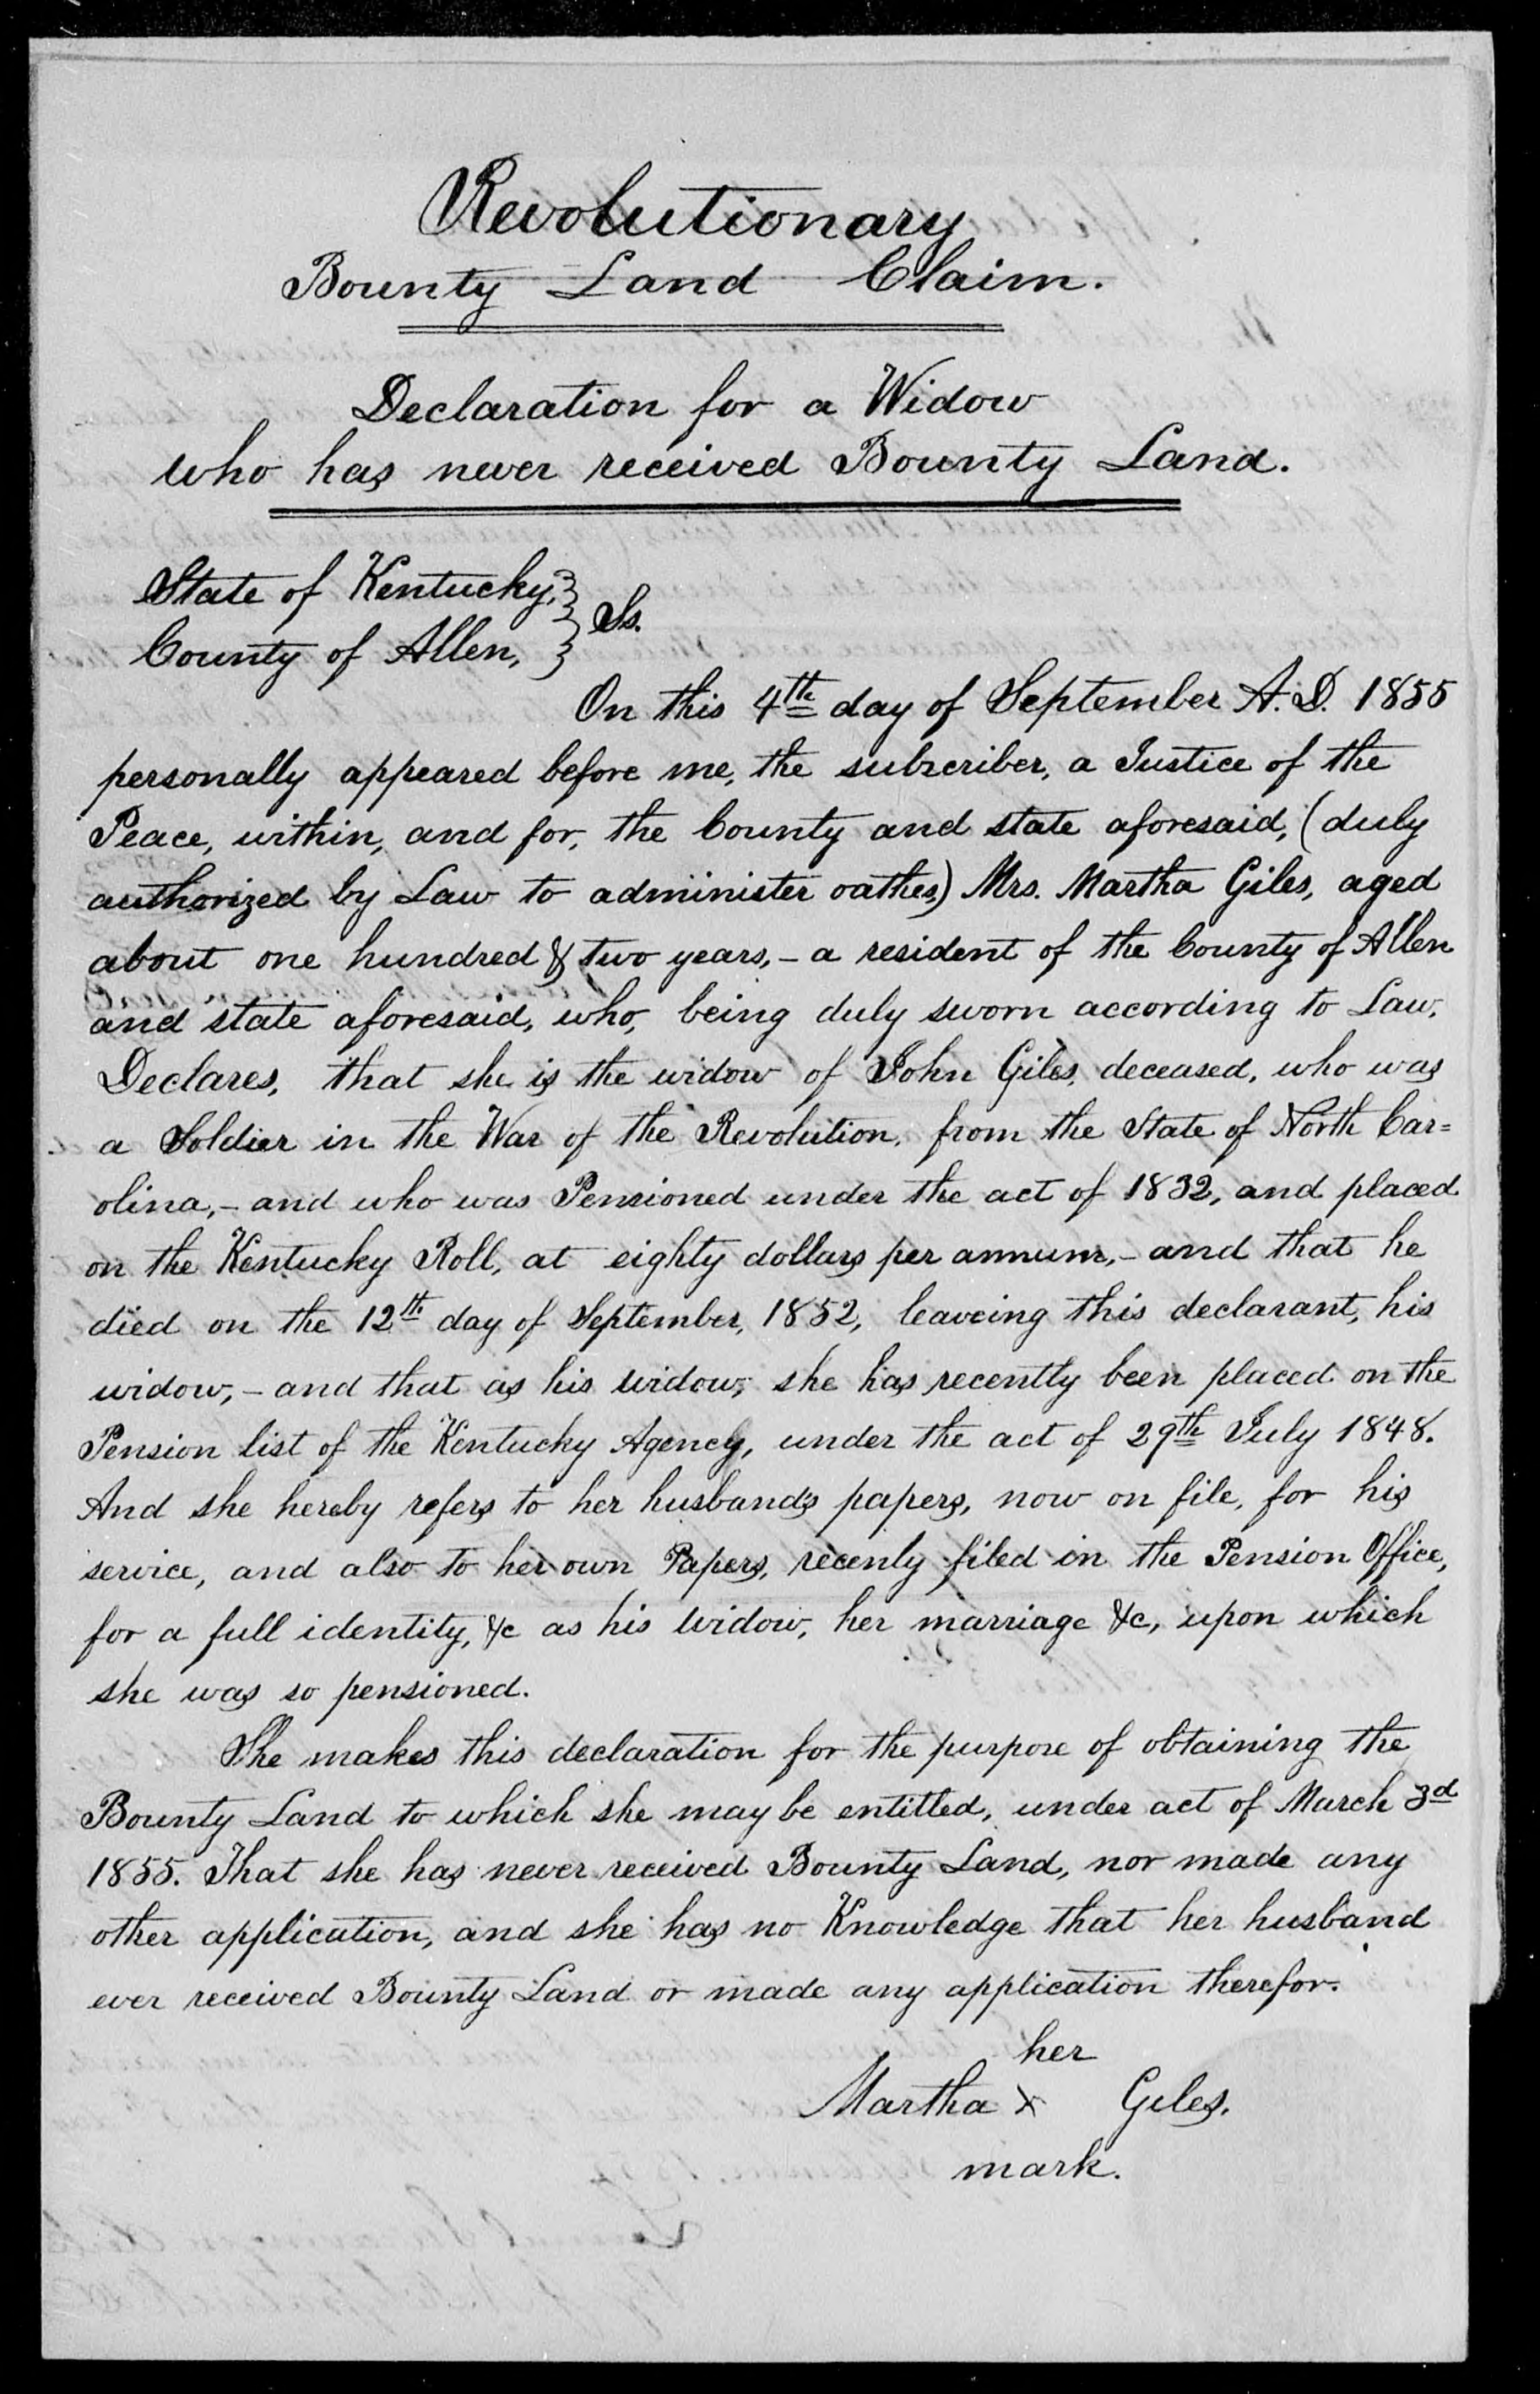Revolutionary
Bounty Land Claim.

Declaration for a Widow 
who has never received Bounty Land

State of Kentucky } Ss.
County of Allen,} 

On this 4th day of September A.D. 1855 personally appeared before me, the subscriber, a Justice of the Peace, within, and for, the County and State aforesaid, (duly authorized by Law to administer oaths) Mrs. Martha Giles, aged about one hundred and two years, a resident of the County of Allen and state aforesaid, who, being duly sworn according to law, Declares, that she is the widow of John Giles deceased, who was a solider in the War of the Revolution from the State of North Carolina, and who was pensioned under the act of 1832, and placed on the Kentucky Roll, at eighty dollars per annuns, and that he did on the 12th day of September, 1852, leaving this declarant, his widow, and that as his widow, she has recently been placed on the pension list of the Kentucky Agency, under the act of 29th July 1848. And she hereby refers to her husband's papers, now on file, for his service, and also to her own papers, recently filed in the Pension Office, for a full identity, as his widow, her marriage, upon which she was so pensioned.

She makes this declaration for the purpose of obtaining thee Bounty Land to which she may be entitled, under act of March 3rd 1855. That she has never received Bounty Land, nor made any other application, and she has no knowledge that her husband ever received Bounty Land or made any application therefore.

Martha her X mark Giles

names: Martha Giles, Martha Giles, John Giles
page: 17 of 82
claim: widow's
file: W. 7,522, John Giles, N.C.